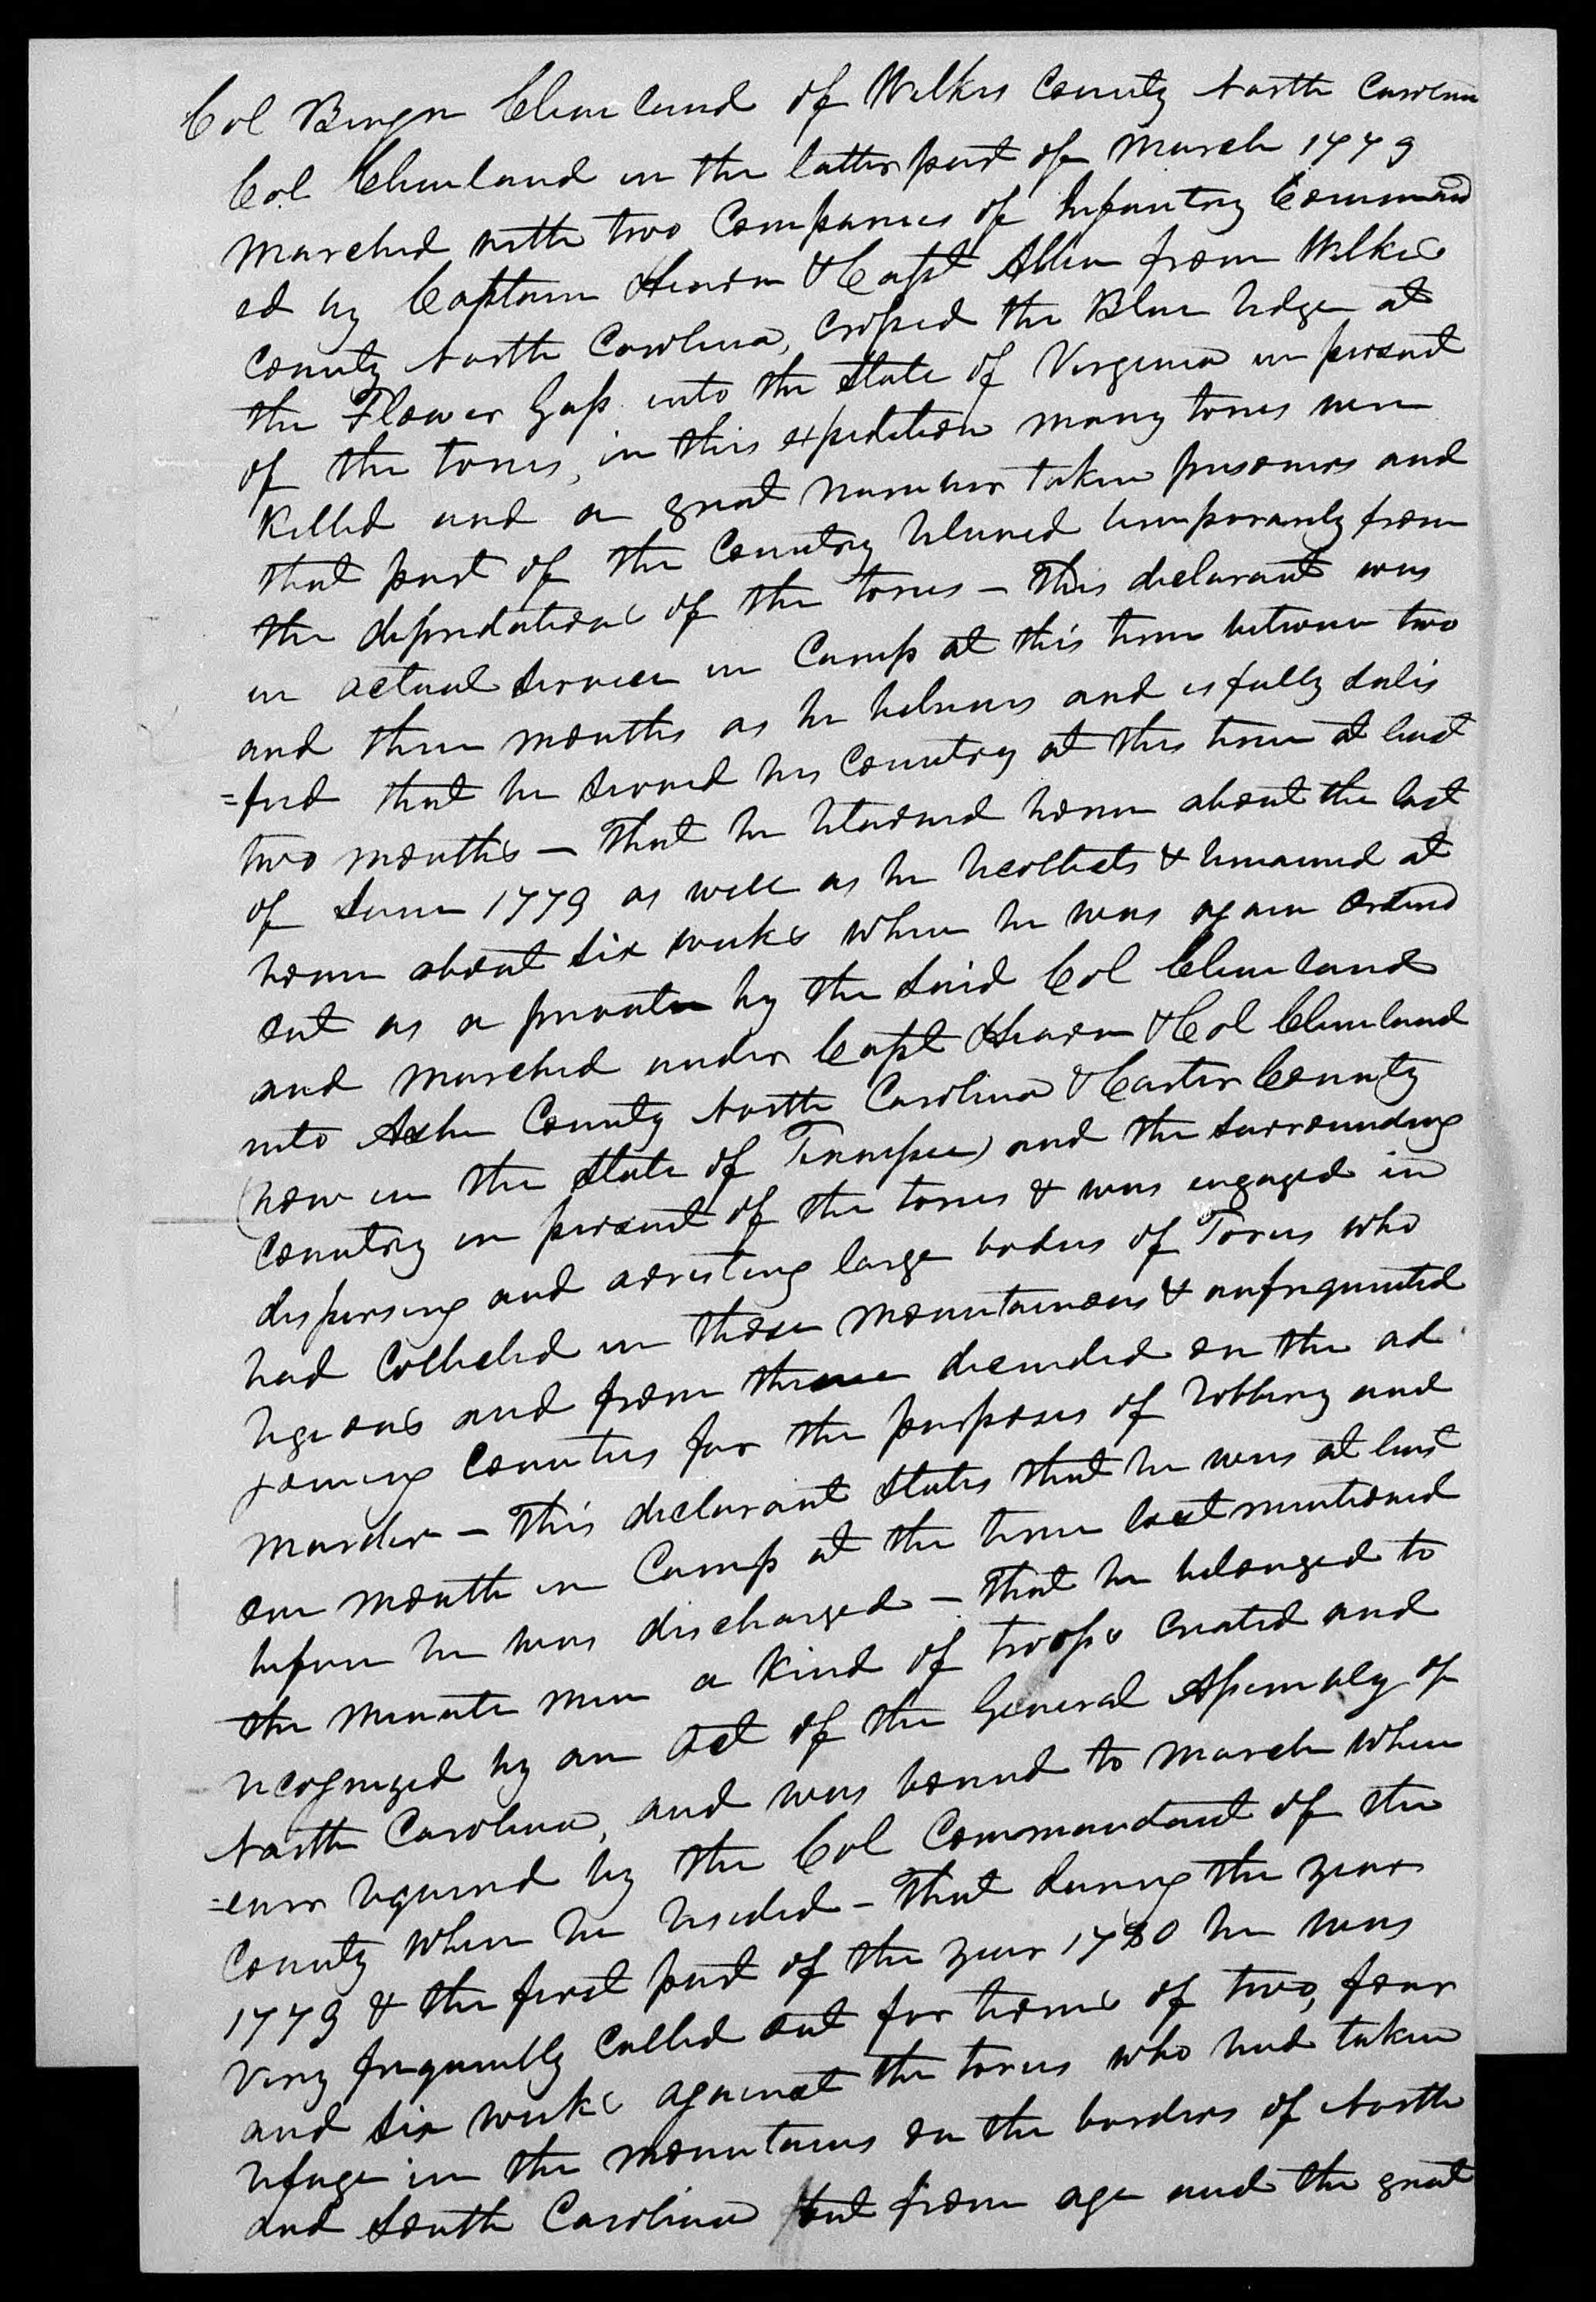Col Bergen Clearland of Wilkes County North Carolina Col Cheland in the latter part of March 1773 marched with two companies of Infantry command by Captain Henson & Capt Allen from Wilkes County North Carolina,
crossed the Blue Ridge at the lower gap into the State of Virginia in person of the tours, in this expedition many men were killed and a great number taken prisoners and
that part of the country and temporarily from
the depredation of the tours-- this declarant was in actual service in Camp at this time between two and three months as he illegible and is fully illegible that he served his country at this time at and  two months- That he turned home about the last of June 1778 as well as he recollects & around at home about six weeks when he was again ordered out as a private by the said Col Cleland and marched under Capt Carr & Col Clemand into Ashe County North Carolina & Carter County now in
the State of Tennessee, and the surrounding
country in pursuit of the ones & was engaged in dispersing and arresting large bodies of Tomes who had collided in the mountainous & unfrequented regions and from the descended on them illegible for the purposes of illegible and murder-- this declarant states that he was at his camp at the time last mentioned before he was discharged. That he belonged to the minute men a kind of troop granted and illegible by an act of the General Assembly of
North Carolina, and was bound to march when
illegible by the Col Commandant of the
County where he resided - That during the year 1779 & the first part of the year 1780 he was frequently called out for home of two for
and six week against the towns who had taken
refuge in the mountains on the borders of North and South Carolina illegible from age and the grant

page: 5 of 18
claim: survivor's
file: S. 8,994, for Philip Mason, North Carolina